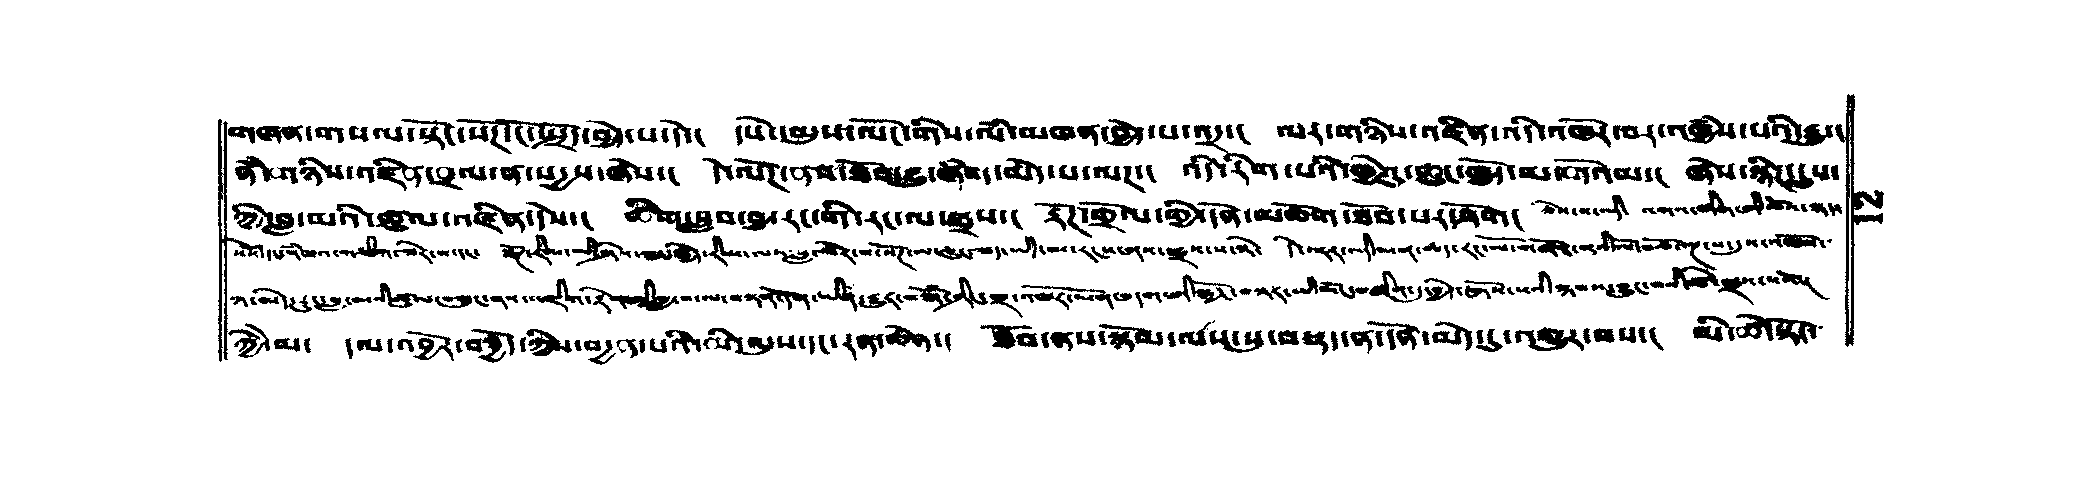གཞན་གསལ་སྟོང་སོགས་ངོ་སྤྲོད་བྱེད་པ་དེ། །དཔེ་དམུས་ལོང་གིས་ལམ་མཁན་བྱེད་པ་འདྲ། །ལར་གཉིས་འཛིན་འདི་འཁོར་བར་འཁྱམས་པའི་རྒྱུ། །
ནམ་གཉིས་འཛིན་བྲལ་ན་སངས་རྒྱས་ཞེས། །དེ་ལོག་ནས་ཐོབ་རྒྱུ་ཞིག་མེད་པ་ལགས། །འདི་རིག་པའི་ཁྱེའུ་ཆུང་ཁྱོད་མ་གོའམ། །ཞེས་སྙིགས་དུས་
ཀྱི་བླ་མའི་ཚུལ་འཛིན་དེས། །ཚིག་བསླབ་བྱ་རང་གིས་རང་ལ་སྨྲས། །རྟོགས་གྲོལ་གྱི་དོན་མཆོག་ཐོབ་པར་ཤོག །ཅེས་པ་འདི་འགའ་ཞིག་ནི་ཆོས་སྐད་
སེམས་དང་ནམ་མཁའ་གཅིག་ཟེར་བ་དང་། རྫོགས་རིམ་མི་ཤེས་ཀྱང་བསྐྱེད་རིམ་ལས་སླ་ཟེར་བ་སོགས་ལ་ཅུང་ཟད་ཡིད་མ་རངས་ནས་སྨྲས་པ་སྟེ། དེ་ལྟར་འདི་ཡན་ཆད་རང་ལོ་གཞོན་ནུའི་ལོ་བཅོ་ལྔ་པའི་དུས་འཁོས་
ཀ་མེད་རུང་བླ་མའི་ཚུལ་བཟུང་ནས་འཇིག་རྟེན་གྱི་བྱ་བ་ལ་བསྟན་དོན་ཡིན་རྒྱུར་བསྒོམ་ཤིང་གྲྭ་འཁོར་ཡོན་བདག་གི་སྐྱོང་བསྟང་མྀ་ཡོང་བཞིན་དུ་བྱེད་དགོས་པའི་སྐབས་བྱུང་བའི་ཚེ་སྨྲས་པའོ།། 
ཀྱེ་མ། དལ་འབྱོར་བཅོ་བརྒྱད་ཀྱིས་བརྒྱན་པའི་མི་ལུས་དང་རིན་ཆེན། །ཐོབ་ནས་སྙོམ་ལས་སུ་བསྡད་ན་དོན་མེད་དུ་འགྱུར་བས། །མི་ཚེ་སྟོང་